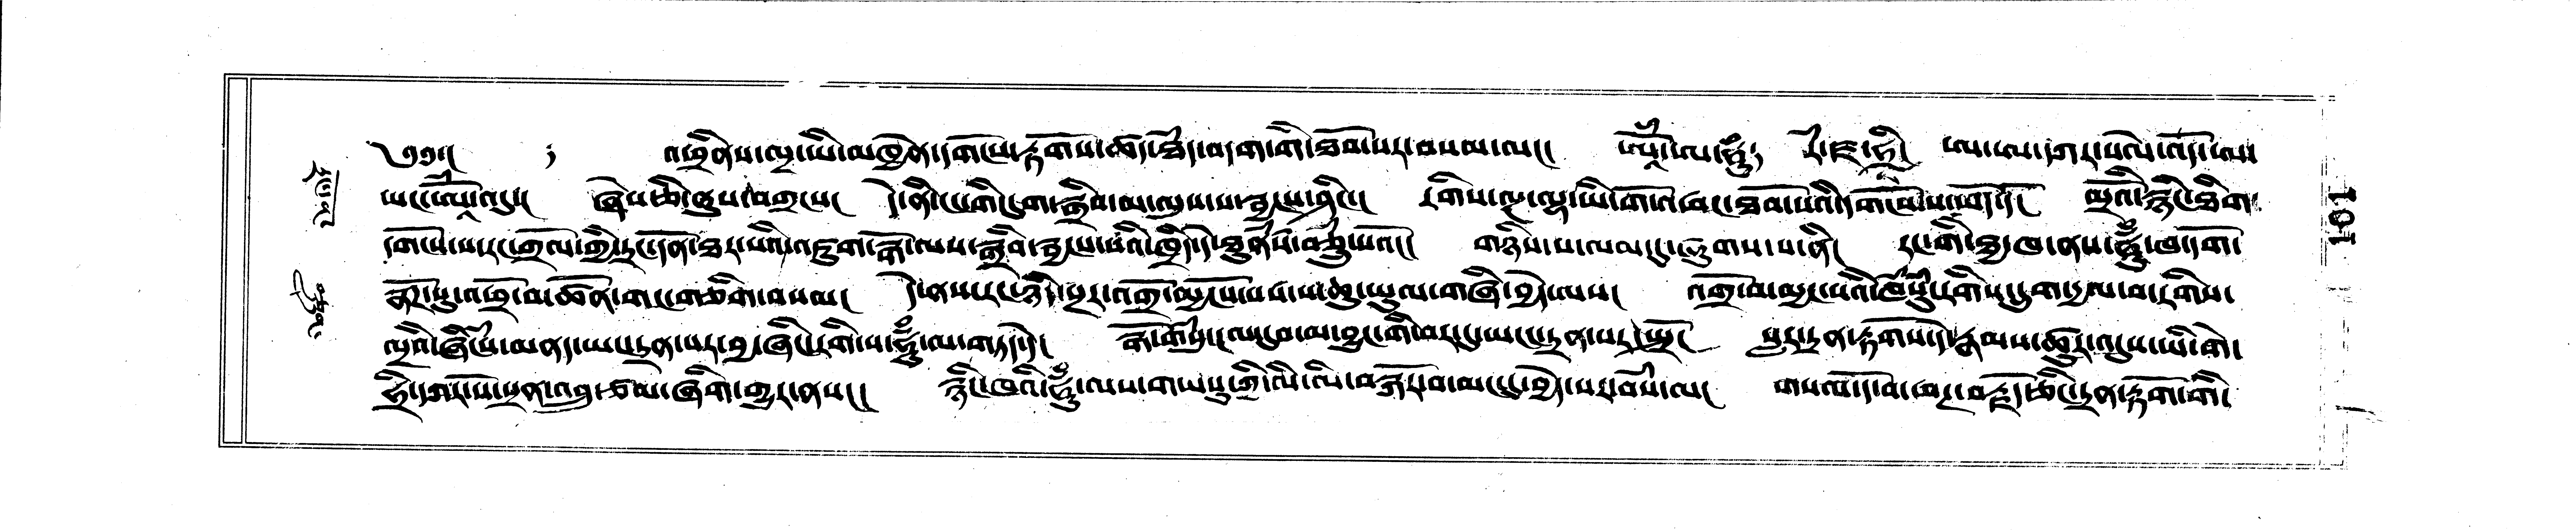ཕྲིན་ལས་ལྔ་ཡི་མཁྱེན་དགོངས་རྟོགས་ཚད་ཐམས་ཅད་བདག་གིས་ཐོབ་པར་བསམ་ལ། ཨཱོྂ་ཨ་ཧཱུཾ། རཾ་ཛ་ཧྲི། ཨ་ཨ་དཀར་སལེ་འོད་
ཨ་ཡཾ་ཨཱོྂ་འདུ། ཞེས་ཅི་ནུས་བགྲང་། དེ་ནི་ངག་གི་དུག་སྒྲིབ་མ་ལུས་པ་སྦྱངས་ཤིང་། རིགས་ལྔ་ལྷའི་གོ་འཕང་ཐོབ་པའི་དགོས་པ་ཡོད་དོ། །མཁའ་འགྲོ་སྙིང་ཐིག་
དགོངས་པ་རང་གྲོལ་གྱི་དྲང་དོན་ཐར་པའི་འཇུག་སྒོ་ལས། སྒྲིབ་༼༽སྦྱང་བའི་ཁྲིད་དེ་ཐུན་མཚམས་བཅུ་གསུམ་པའོ།། །།གཉིས་པ་ལམ་དུ་ཞུགས་པ་ནི། རང་གི་ཐུགས་ཁ་ནས་ཧཱུཾ་ཁ་དོག་
སྣ་ཚོགས་སུ་འཕྲོ་བ་ཚོན་གང་གཅིག་བསམ། དེ་ནས་རང་ཉིད་སྔར་འགྲོ་མྱོང་བའི་ས་ཆུ་ཡུལ་གཞི་བྱེད་ལས། འགྲོ་མ་མྱོང་བའི་ཁམས་གསུམ་རིགས་དྲུག་རྒྱལ་རིགས་
ལྔའི་ཞིང་ཁམས་མན་ཆད་ཡང་དྲན་པར་བྱ་ཞིང་རིག་པ་ཧཱུཾ་ལ་གཏད་དེ། སྒོ་གསུམ་ངལ་དུབ་མ་བྱུང་གི་བར་དུ་ཡང་ཡང་དྲན་པར་སྤྲོ། སླར་དྲན་རྟོག་དེ་རྣམས་ཚུར་འདུས་ཡི་གེ་
ཧྲི་དཀར་པོ་སྲན་འབྲུ་ཙམ་ཞིག་གྱུར་ནས། སྙིང་ཁའི་ཧཱུཾ་ལས་གཡས་སུ་ཀྱི་ལི་ལི་བསྐོར་བ་མང་དུ་བྱེད་པར་བསམ་ལ། གསལ་དོ་བ་ཕཊཿ བརྗོད་ཅིང་དྲན་རྟོག་གི་